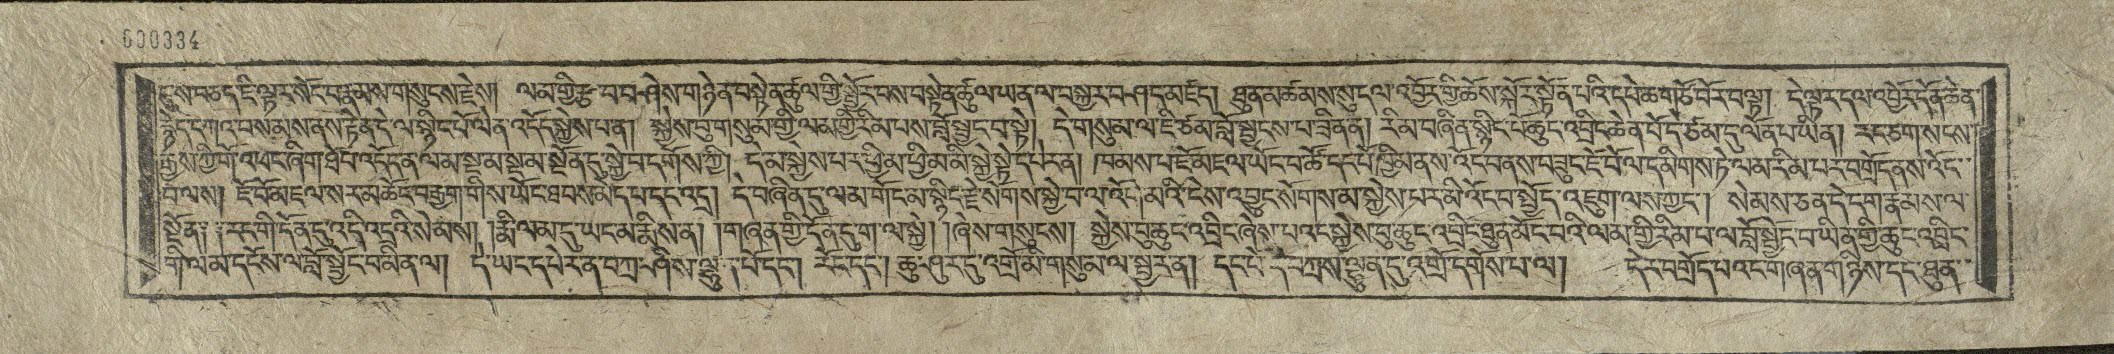དུས་བཅད་ཇི་ལྟར་སོང་བ་རྣམས་གསུངས་རྗེས། ལམ་གྱི་རྩ་བ་བཤེས་གཉེན་བསྟེན་ཚུལ་གྱི་སྦྱོར་བས་བསྟེན་ཚུལ་ཡན་ལ་བསྐྱར་བཤད་མཛད། ཐུན་མཚམས་སུ་དལ་འབྱོར་གྱི་ཆོས་སྐོར་སྟོན་པའི་དཔེ་ཆ་གཙོ་བོར་བལྟ། དེ་ལྟར་དལ་འབྱོར་དོན་ཆེན་
རྙེད་དཀའ་བསམས་ནས་རྟེན་དེ་ལ་སྙིང་པོ་ལེན་འདོད་སྐྱེས་པ་ན། སྐྱེས་བུ་གསུམ་གྱི་ལམ་གྱི་རིམ་པས་བློ་སྦྱང་བ་སྟེ། དེ་གསུམ་ལ་ཇི་ཙམ་བློ་སྦྱངས་པ་ཟིན་ན། རིམ་བཞིན་སྙིང་པོ་ཆུང་འབྲིང་ཆེན་པོ་དེ་ཙམ་དུ་ལོན་པ་ཡིན། རང་ཅག་སངས་
རྒྱས་ཀྱི་གོ་འཕང་ཞིག་ཐོབ་འདོད་ན་ལམ་སྔ་མ་སྔ་མ་སྔོན་དུ་སྐྱེ་བ་དགོས་ཀྱི། དེ་མ་སྐྱེས་པར་ཕྱི་མ་ཕྱི་མ་མི་སྐྱེ་སྟེ་དཔེར་ན། ཁམས་པ་ཇོ་མཇལ་ཡོང་བ་ཚོ་དང་པོ་ཁྱིམ་ནས་འོང་བ་ནས་བཟུང་ཇོ་བོ་ལ་དམིགས་ཏེ་ལམ་རིམ་པར་བགྲོད་ནས་འོང་
བ་ལས། ཇོ་བོ་མཇལ་སར་མཆོང་བརྒྱག་གིས་ཡོང་ཐབས་མེད་པ་དང་འདྲ། དེ་བཞིན་དུ་ལམ་གོང་མ་སྙིང་རྗེ་སོགས་སྐྱེ་བ་ལ་འོག་མའི་ངེས་འབྱུང་སོགས་མ་སྐྱེས་པར་མི་འོང་བ་སྤྱོད་འཇུག་ལས་ཀྱང་། སེམས་ཅན་དེ་དག་རྣམས་ལ་
སྔོན༑ ༑རང་གི་དོན་དུ་འདི་འདྲའི་སེམས། །རྨི་ལམ་དུ་ཡང་མ་རྨིས་ན། །གཞན་གྱི་དོན་དུ་ག་ལ་སྐྱེ། །ཞེས་གསུངས། སྐྱེས་བུ་ཆུང་འབྲིང་ཞེས་པའང་སྐྱེས་བུ་ཆུང་འབྲིང་ཐུན་མོང་བའི་ལམ་གྱི་རིམ་པ་ལ་བློ་སྦྱོང་བ་ཡིན་གྱི་ཆུང་འབྲིང་
གི་ལམ་དངོས་ལ་བློ་སྦྱོང་བ་མིན་ལ། དེ་ཡང་དཔེར་ན་བཀྲ་ཤིས་ལྷུན་པོ་དང་། རོང་དང་། ཆུ་ཤུར་དུ་འགྲོ་མི་གསུམ་ལ་སྦྱར་ན། དང་པོ་དེ་བཀྲས་ལྷུན་དུ་འགྲོ་དགོས་པ་ལ། དེར་བགྲོད་པའང་གཞན་གཉིས་དང་ཐུན་